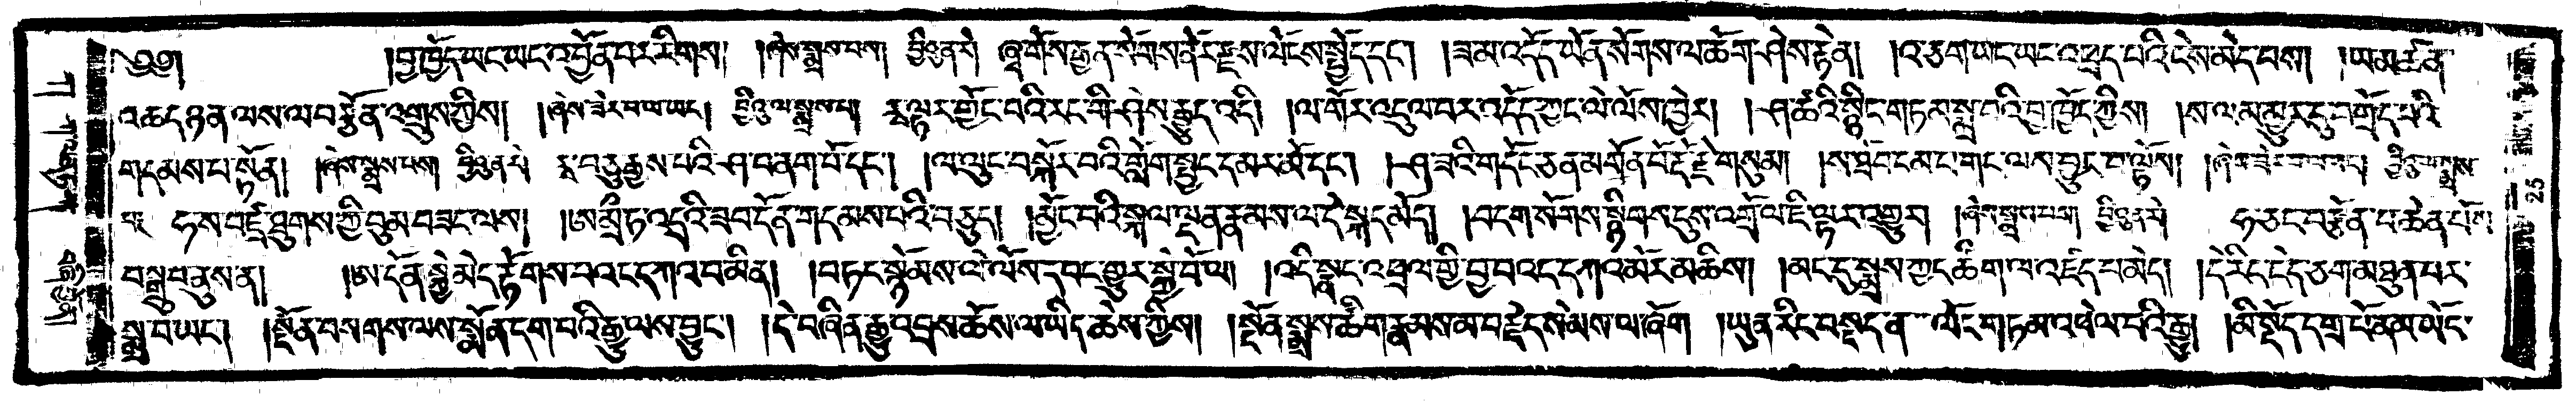༄༅། །བྱ་ཁྱོད་ཡང་ཡང་འབྱོན་པར་རིགས། །ཞེས་སྨྲས་པས། བྱིའུ་ན་རེ། ཞྭ་གོས་རྒྱན་སོགས་ནོར་རྫས་ལོངས་སྤྱོད་དང་། །ཟམ་འདོད་ཡོན་སོགས་ལ་ཆོག་ཤེས་རྟེན། །འྕག་ཡང་ཡང་འཕྲད་པའི་ངེས་མེད་པས། །ཡ་མཚན་
འཆད་ཉན་ལས་ལ་བརྩོན་འགྲུས་ཀྱིས། །ཞེས་ཟེར་བ་ཡ་ཡང་། བྱིའུ་ལ་སྨྲས་པ། རྭ་ལྟར་གྱོང་བའི་རང་གི་ཤེས་རྒྱུད་འདི། །ལ་གོར་འདུལ་བར་འདོད་ཀྱང་ལེ་ལོས་ཁྱེར། །ཤ་ཚའི་སྙིང་གཏམ་སྨྲ་བའི་བྱ་ཁྱོད་ཀྱིས། །ས་ལམ་མྱུར་དུ་བགྲོད་པའི་
གདམས་པ་སྟོན། །ཞེས་སྨྲས་པས། བྱིའུ་ན་རེ། རྭ་བཅུ་རྒྱས་པའི་ཤ་བ་ནག་པོ་དང་། །ལ་ལུང་བསྐོར་བའི་གློག་སྤྱང་དམར་མོ་དང་། །ཤ་ཟའི་གདོང་ཅན་མགོན་པོ་རྡོ་རྗེ་གསུམ། །ས་ཐོབ་དམ་པ་གང་ལས་བྱུང་བ་ལྟོས། །ཞེས་ཟེར་བ་ལ་ཟང་། བྱིའུ་ལ་སྨྲས་
པ། ཧས་བཛྲ་ཐུགས་ཀྱི་བུམ་བཟང་ལས། །ཨ་མྲི་ཏ་འདྲའི་ཟབ་དོན་གདམས་པའི་བཅུད། །མྱོང་བའི་སྐལ་ལྡན་རྣམས་ལ་དེ་སྐད་མོད། །བདག་སོགས་སྙིགས་དུས་འགྲོ་ལ་ཇི་ལྟར་འགྱུར། །ཞེས་སྨྲས་པས། ཕྱིའུ་ན་རེ། ཧ་ཅང་བརྩོན་པ་ཆེན་པོས་
བསྒྲུབ་ནུས་ན། །ཨ་དོན་སྐྱེ་མེད་རྟོགས་པའང་དཀའ་བ་མིན། །བཏང་སྙོམས་ལེ་ལོས་དབང་གྱུར་སྐྱེ་བོ་ལ། །འདི་སྣང་འཕྲལ་གྱི་བྱ་བའང་དཀའ་མོར་མཆིས། །མང་དུ་སྨྲས་ཀྱང་ཚིག་ལ་འཛད་པ་མེད། །དེ་རིང་ངེད་ཅག་མཐུན་པར་
སྨྲ་བ་ཡང་། །སྔོན་བསགས་ལས་སྨོན་དག་པའི་རྒྱུ་ལས་བྱུང་། །དེ་བཞིན་རྒྱུ་འབྲས་ཆོས་ལ་ཡིད་ཆེས་ཀྱིས། །སྔོན་སྨྲས་ཚིག་རྣམས་མ་བརྗེད་སེམས་ལ་ཞོག །ཡུན་རིང་བསྡད་ན་ལོང་གཏམ་འཕེལ་བའི་རྒྱུ། །མི་སྡོད་དགྲ་པོ་ནམ་ཡོང་